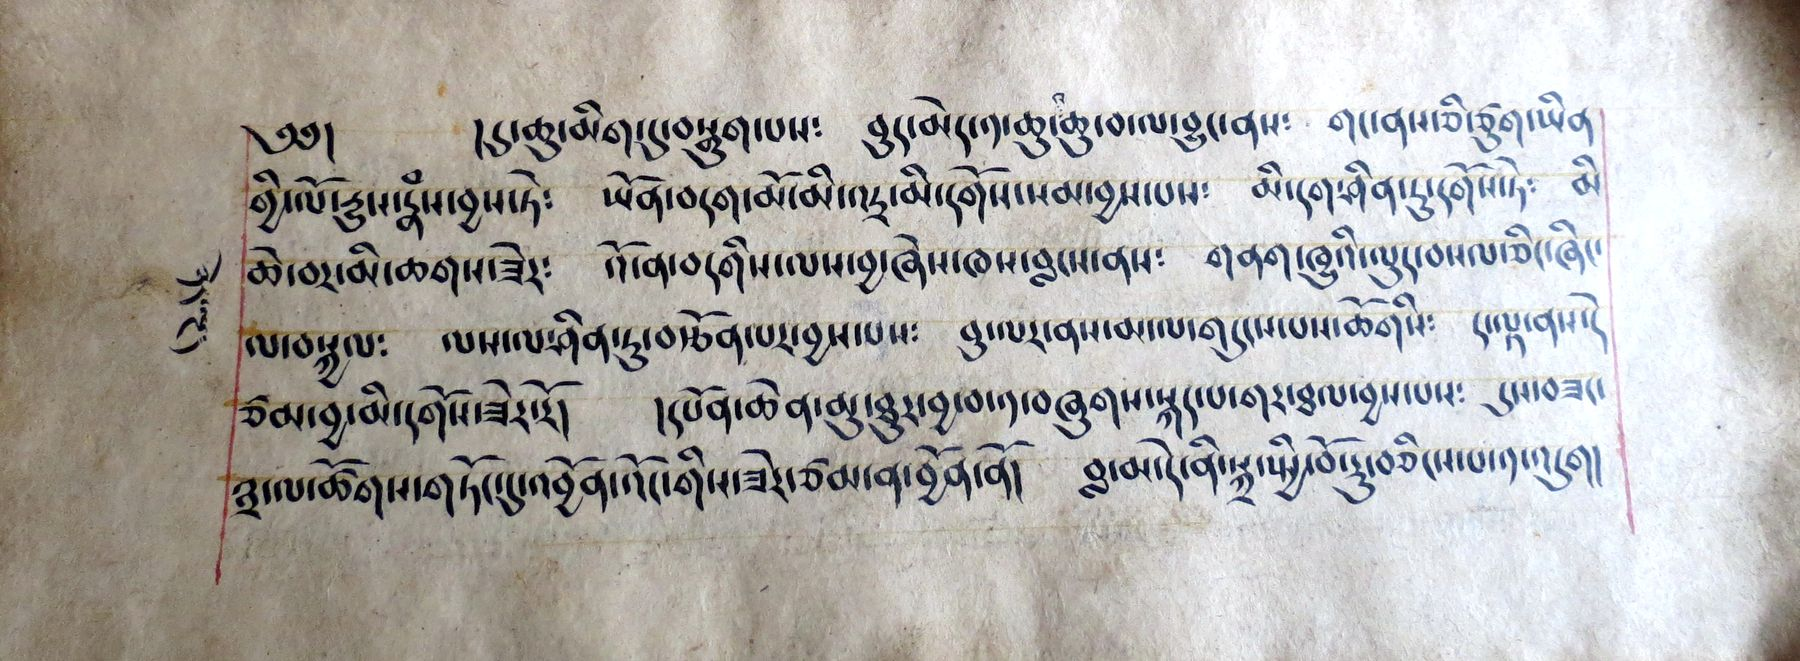དུ་ཆུ་མིག་ཏུ་སྒུག་པས། བུད་མེད་ཅིག་ཆུ་འཆུ་བ་ལ་བྱུང་ནས་གང་ནས་ཅི་ཙུག་ཡིན་
གྱི་ལོ་རྒྱུས་རྣམས་བྱས་ཏེ། ཡོན་བདག་མོ་མི་འདྲ་མི་དགོས་སམ་བྱས་པས། མི་དག་ཤིན་ཏུ་དགོས་ཏེ། མི་
ཆེ་བར་མི་ཆགས་ཟེར། འོ་ན་བདག་གིས་ལས་བྱ་ཞེས་ཁས་བླངས་ནས། གནག་ཁྱུའི་ལུད་བསལ་ཅིང་ཞིང་
ལ་བསྐྱལ། ལས་ལ་ཤིན་ཏུ་བརྩོན་པར་བྱས། བུ་ལར་ནས་མ་ལ་གདུང་པས་ཆོག་གིས། ད་ལྟ་ནས་དེ་
ཙམ་བྱ་མི་དགོས་ཟེར་རོ། །དཔོན་ཆེན་མུ་ཐུར་བྱ་བ་ཞིག་བཞུགས་སྐད་པ་གར་ཐལ་བྱས་པས། དུས་བཟང་
གསུམ་ལ་ཚོགས་གཏོང་དུ་བྱོན་ནས་འོང་གིས་ཟེར་ཙམ་ན་བྱོན་ནོ། བླ་མ་དེ་ནི་སྐྲ་སྤྱི་བོ་རུ་བཅིངས་པ་གཅིག་འདུག